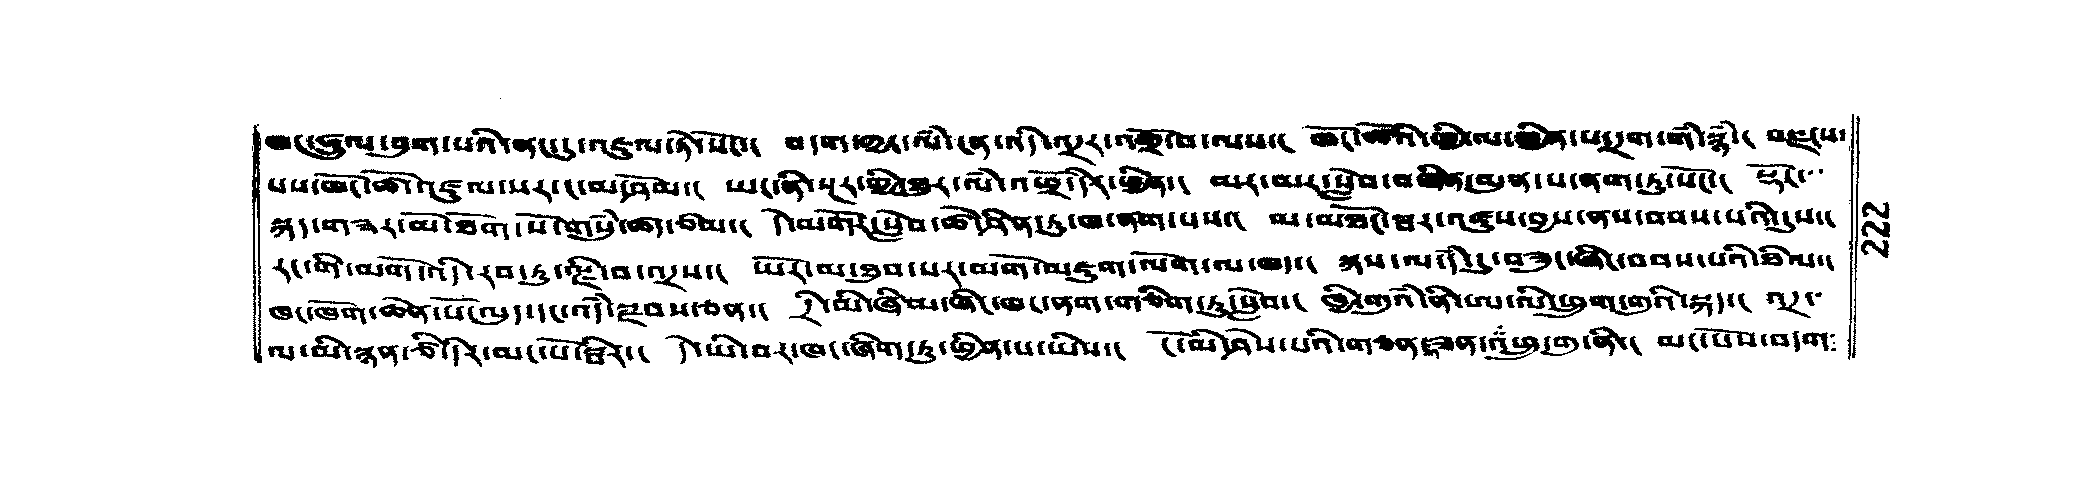།ཁང་ཧྲུལ་བུག་པའི་ནང་དུ་འཇུལ་ཏེ་སོང་། །བདག་ཀྱང་ལམ་ངན་འདི་འདྲར་འགྲོ་བ་ལས། །ཁོང་ཚོའི་ཕྱི་ལ་བྱིན་པ་དྲག་གམ་སྙམ། །བརྫངས་
པས་ཁོང་ཚོ་འཛུལ་སར་ང་མ་ཤོང། །ཡང་ནི་སྔར་གྱི་ཐུར་ལམ་འཕྲོ་དེར་ཕྱིན། །མར་མར་སླེབ་བཞིན་མུན་པ་ནག་ཏུ་སོང་། །སྡོང་
སྐས་གཟར་མོ་ཐོག་སོ་གསུམ་ཚད་ཙམ། །དེ་མགོར་སླེབ་ཚེ་ཤིན་ཏུ་ཁ་ནག་པས། །མ་མཐོང་སྦར་འཇུས་བྱས་ནས་བབས་པའི་དུས། །
རང་གི་མགོ་འདི་རབ་ཏུ་ལྗིང་བ་འདྲས། །ཡོར་མ་ཐུབ་པར་མགོ་མཇུག་ལོག་ལ་ཁད། །སྐས་ལ་དམ་དུ་བཟུང་ཞིང་བབས་པའི་ཐིལ། །
ཁང་ཁོག་ཆེན་པོ་ལུད་དང་འདམ་རྫབ་ཅན། །དྲི་མི་ཞིམ་ཞིང་ཁང་ནག་གཅིག་ཏུ་སླེབ། །ཁྱི་གུའམ་ནི་ཨ་ལི་ཕྲུ་གུའི་སྐད། །འདྲ་
ལ་མི་སྙན་ཙི་དིར་མང་པོ་སྦིར། །དེ་ཡི་བར་ཁང་ཞིག་ཏུ་ཕྱིན་པ་ཡིས། །ངོ་མི་ཤེས་པའི་གཅན་གཟན་ཕྲུ་གུ་ནི། །མང་པོས་བདག་